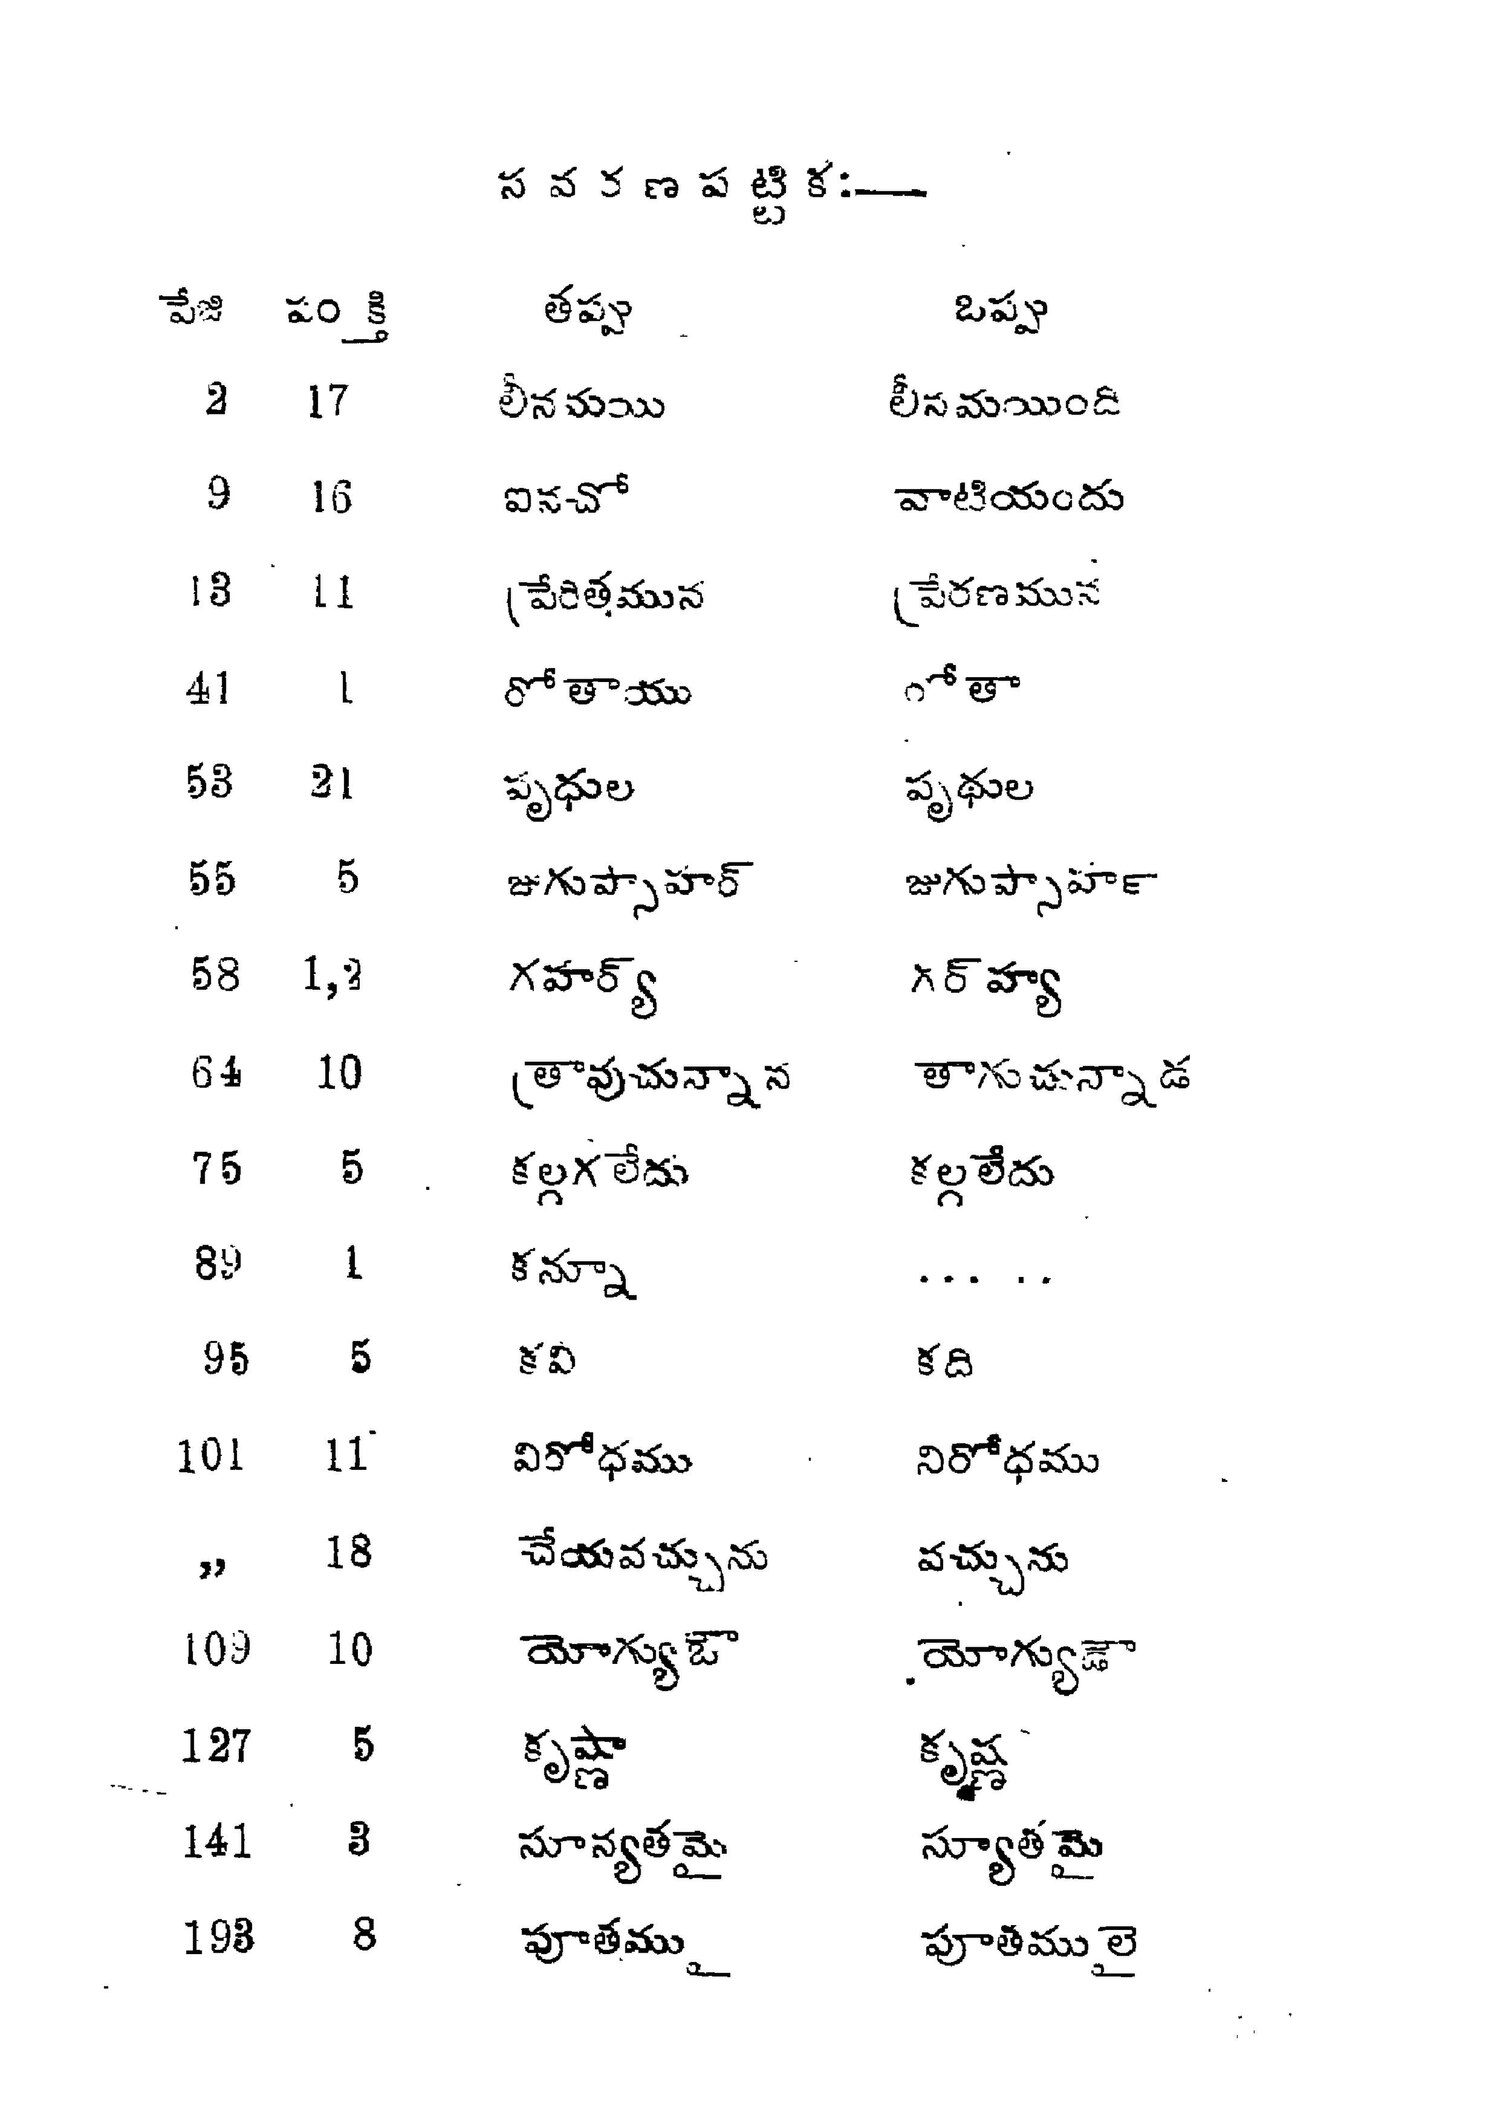పేజి పంక్తి తప్పు ఒప్పు 2 17 లీనమయి లీనమయింది 9 16 ఐనచో వాటియందు 13 11 ప్రేరితమున ప్రేరణమున 41 1 రోతాయు రోతా 53 21 పృధుల పృథుల 55 5 జుగుప్సాహర్ జుగుప్సాహన్ 58 1,2 గహర్య్ గర్‌హ్య 64 10 త్రావుచున్నాన తాగుచున్నాడ 75 5 కల్గగలేదు కల్గలేదు 89 1 కన్నూ ....... 95 5 కవి కది 101 11 విరోధము నిరోధము 101 18 చేయవచ్చును వచ్చును 109 10 యోగ్యుఔ యోగ్యుడౌ 127 5 కృష్ణా కృష్ణ 141 3 నూన్యతమై స్యూతమై 193 8 పూతము పూతములై